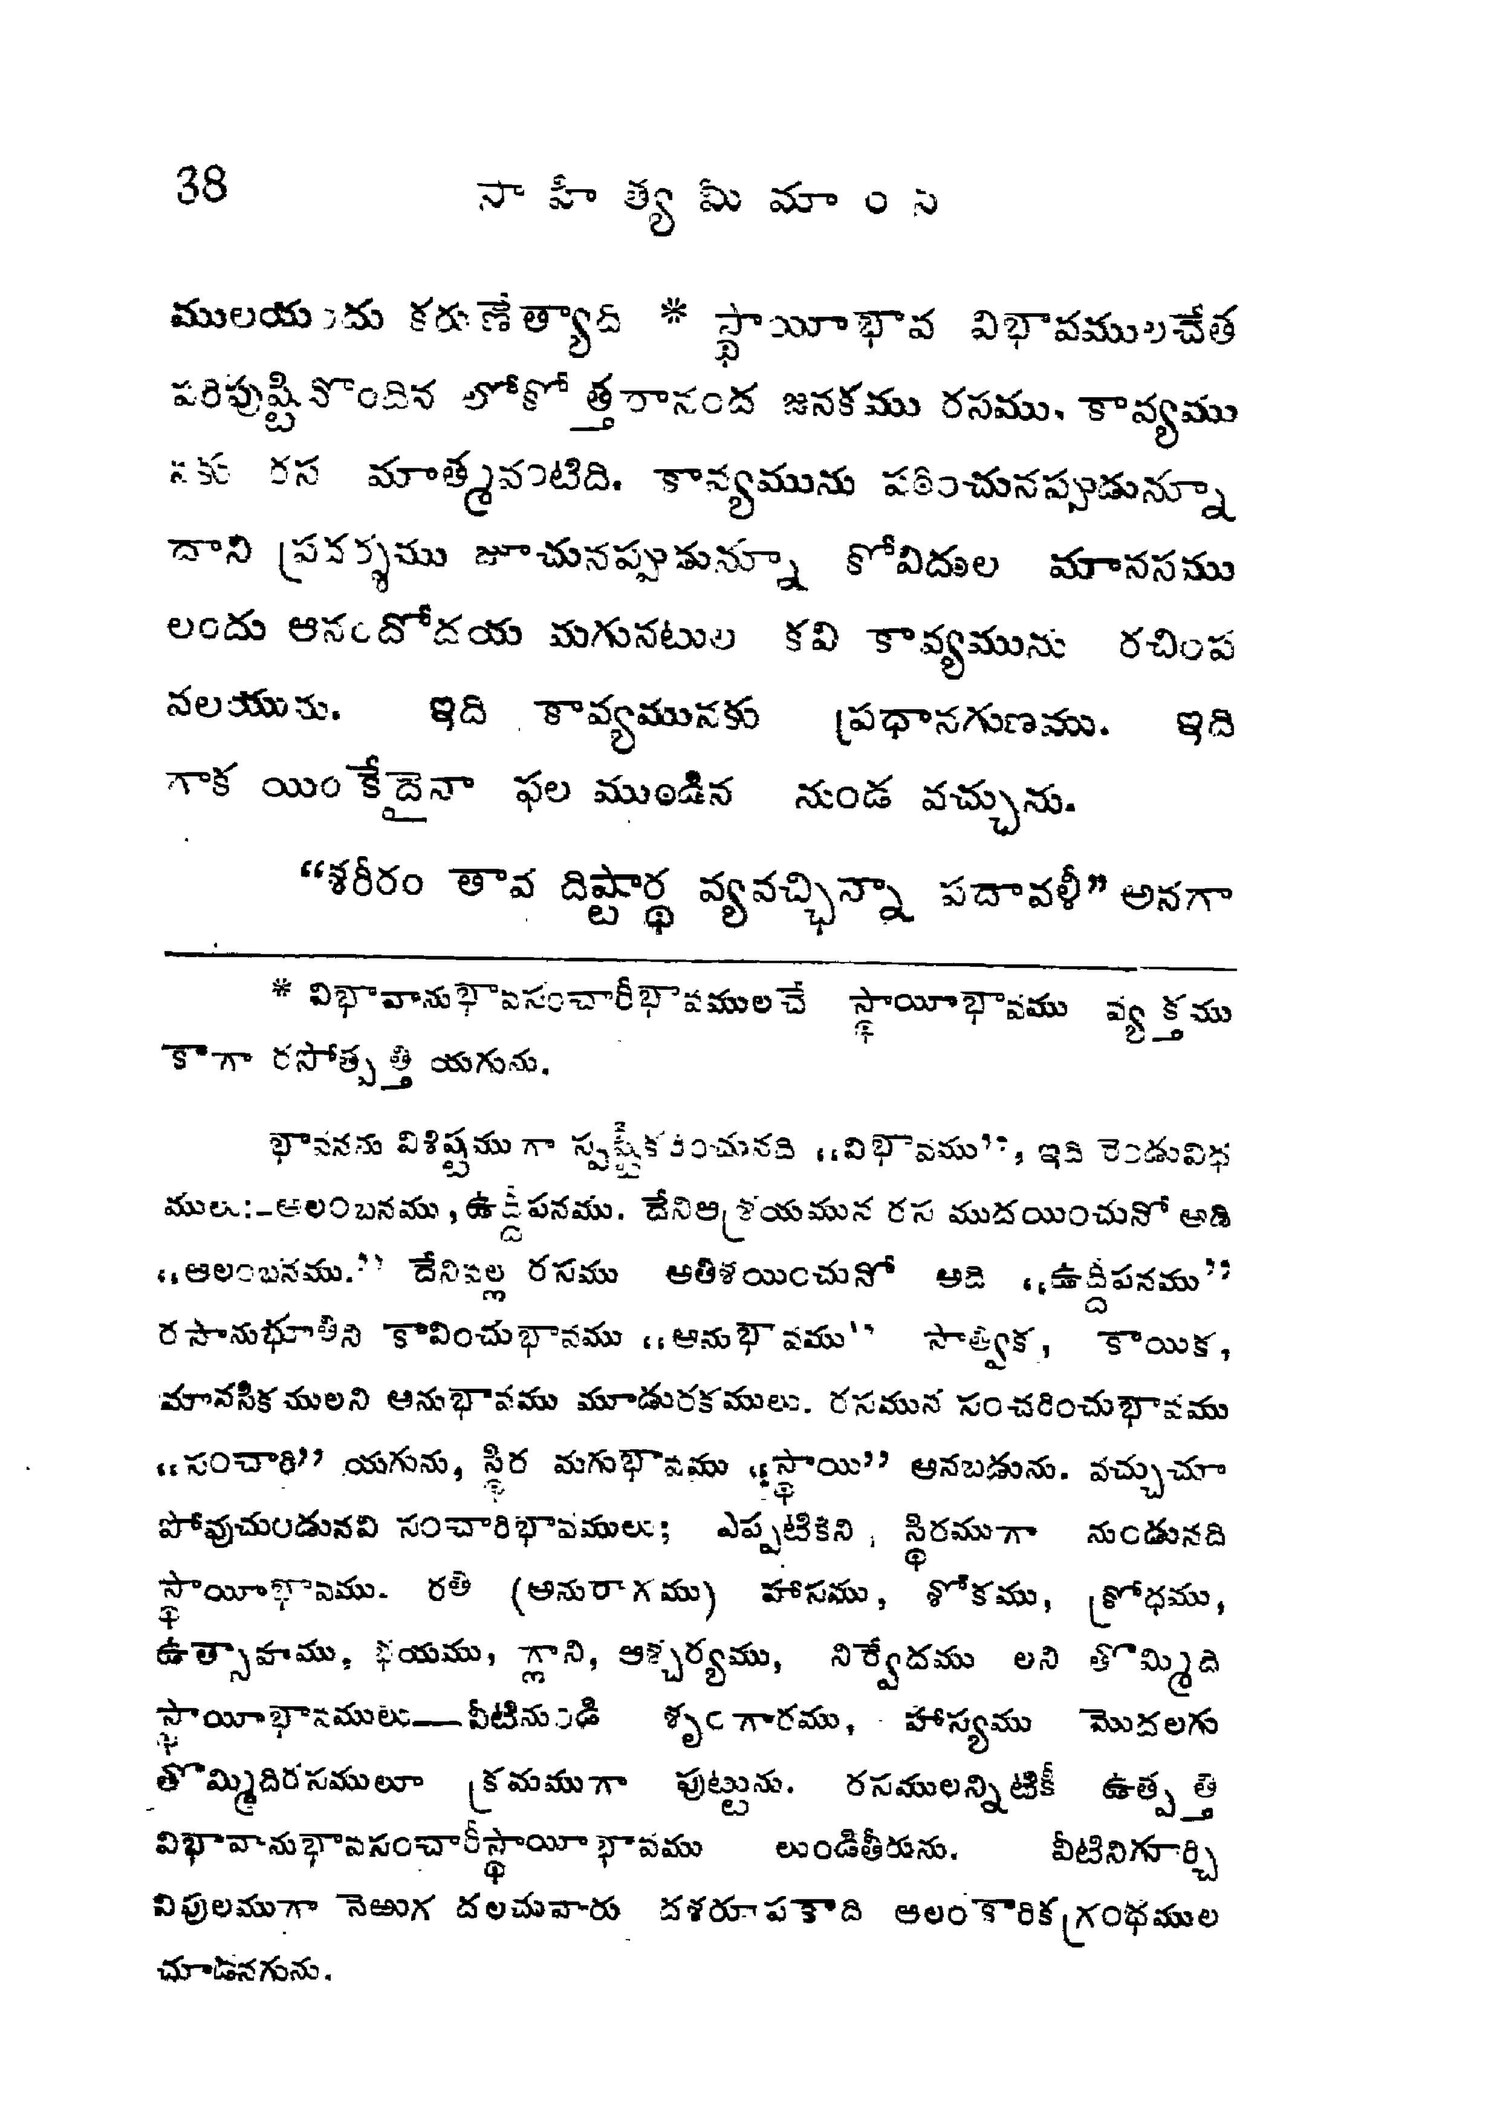ములయందు కరుణేత్యాది * స్థాయీభావ విభావములచేత పరిపుష్టినొందిన లోకోత్తరానంద జనకము రసము. కావ్యమునకు రస మాత్మవంటిది. కావ్యమును పఠించునప్పుడున్నూ దాని ప్రదర్శము జూచునప్పుడున్నూ కోవిదుల మానసము లందు ఆనందోదయ మగునటుల కవి కావ్యమును రచింప వలయును. ఇది కావ్యమునకు ప్రధానగుణము. ఇది గాక యింకేదైనా ఫల ముండిన నుండ వచ్చుబు.

"శరీరం తావ దిష్టార్థ వ్యవచ్ఛిన్నా పదావళీ" అనగా